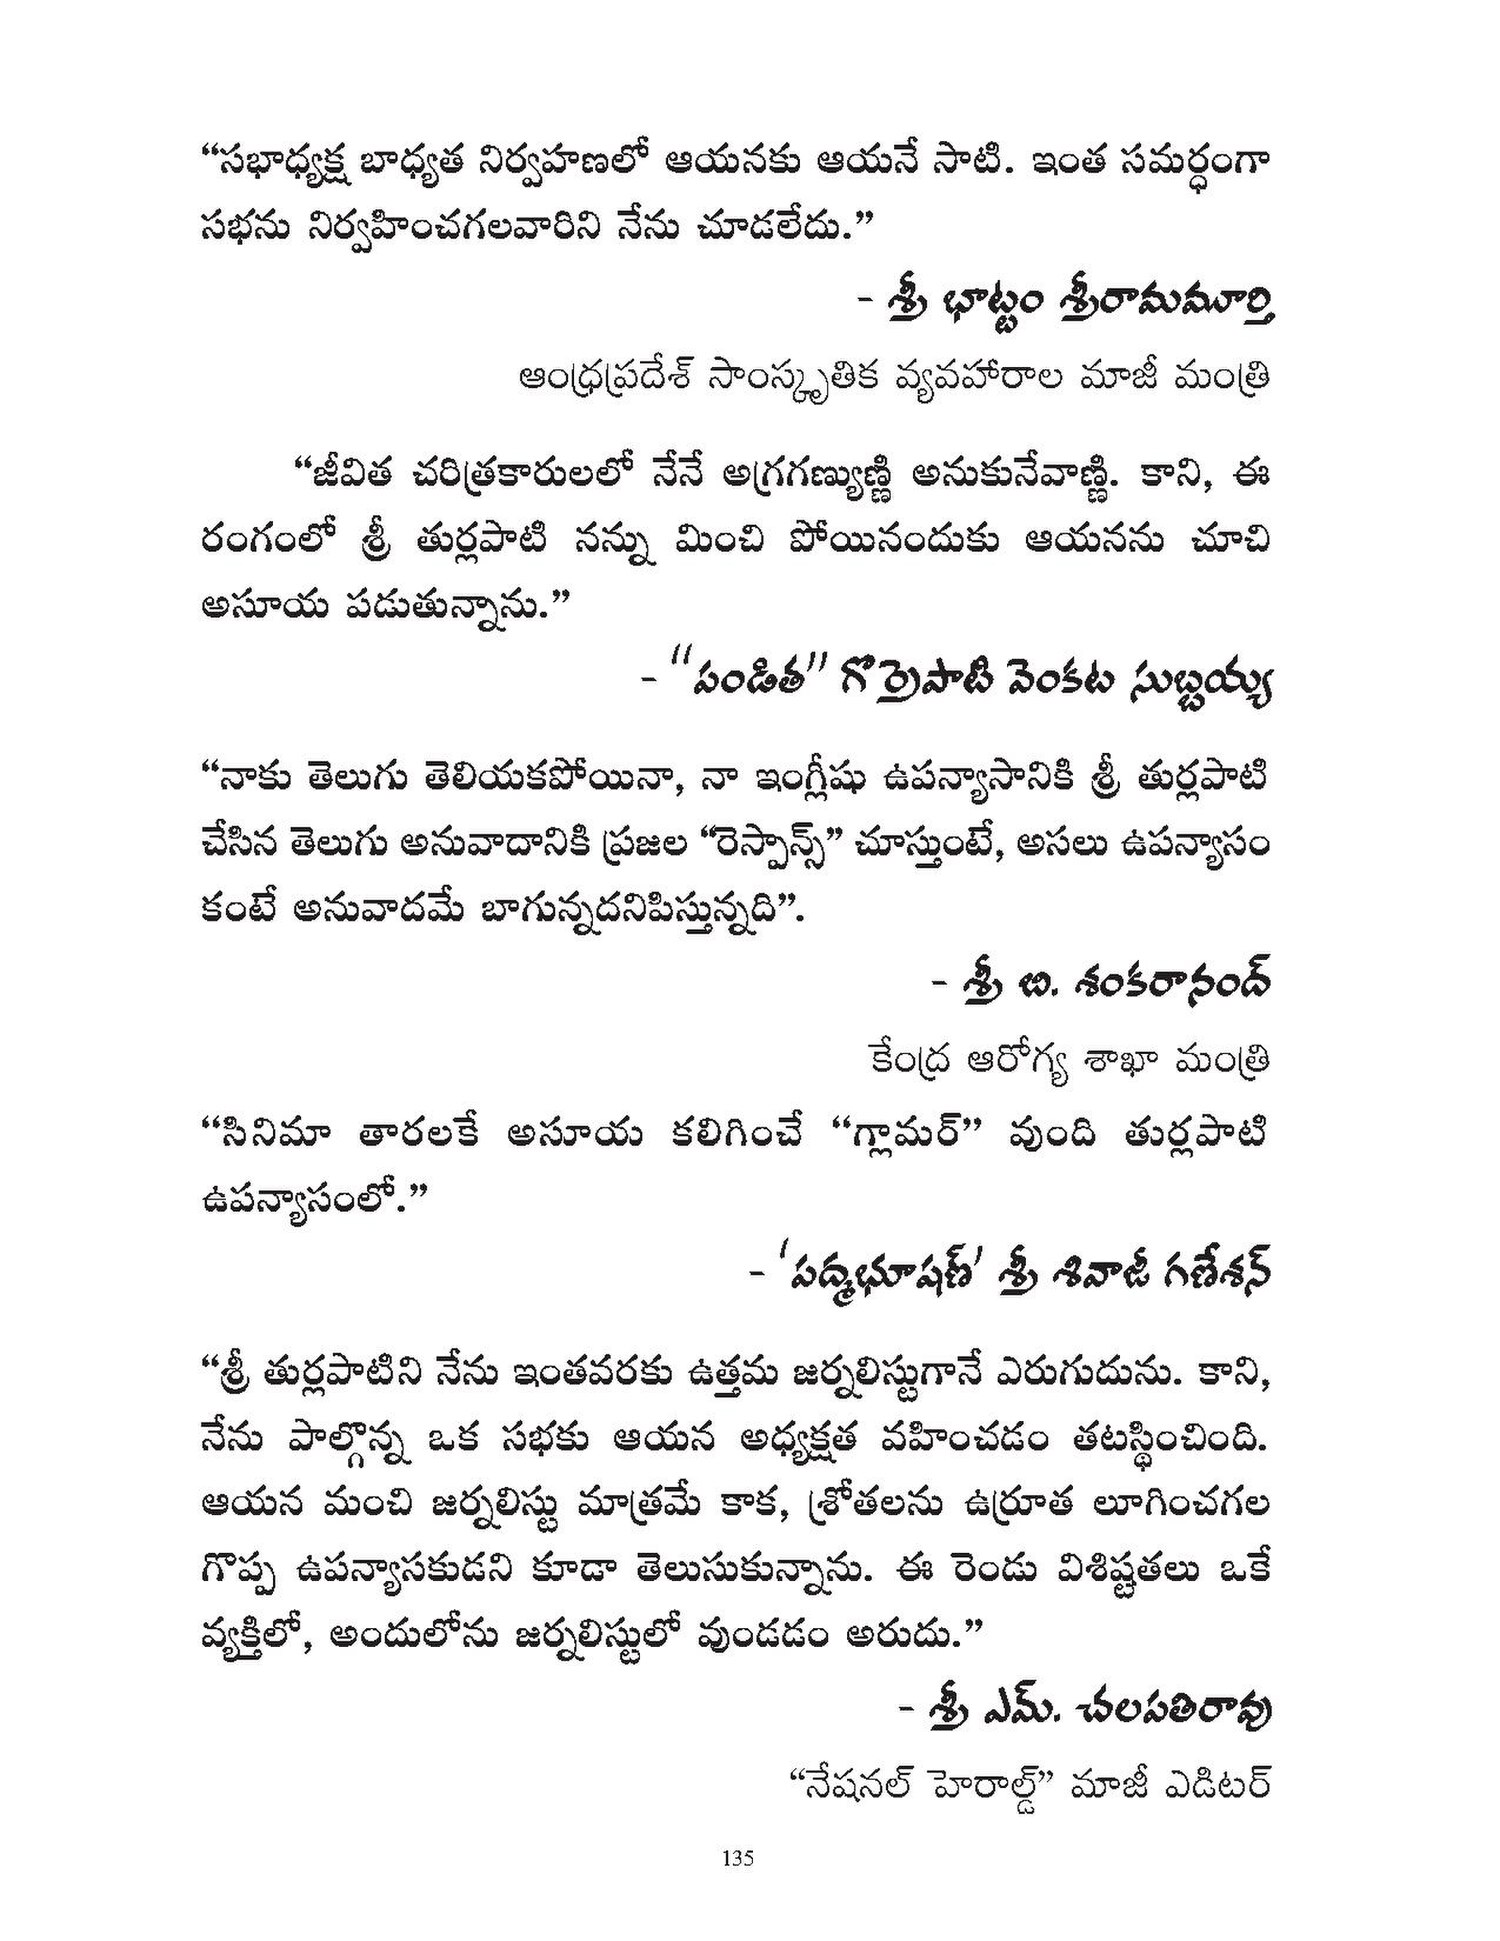"సభాధ్యక్ష బాధ్యత నిర్వహణలో ఆయనకు ఆయనే సాటి. ఇంత సమర్ధంగా సభను నిర్వహించగలవారిని నేను చూడలేదు."

"జీవిత చరిత్రకారులలో నేనే అగ్రగణ్యుణ్ణి అనుకునేవాణ్ణి. కాని, ఈ
రంగంలో శ్రీ తుర్లపాటి నన్ను మించి పోయినందుకు ఆయనను చూచి
అసూయ పడుతున్నాను."

"నాకు తెలుగు తెలియకపోయినా, నా ఇంగ్లీషు ఉపన్యాసానికి శ్రీ తుర్లపాటి
చేసిన తెలుగు అనువాదానికి ప్రజల "రెస్పాన్స్‌" చూస్తుంటే, అసలు ఉపన్యాసం
కంటే అనువాదమే బాగున్నదనిపిస్తున్నది".

"సినిమా తారలకే అసూయ కలిగించే "గ్లామర్‌" వుంది తుర్లపాటి
ఉపన్యాసంలో."

"శ్రీ తుర్లపాటిని నేను ఇంతవరకు ఉత్తమ జర్నలిస్టుగానే ఎరుగుదును. కాని,
నేను పాల్గొన్న ఒక సభకు ఆయన అధ్యక్షత వహించం తటస్థించింది.
ఆయన మంచి జర్నలిస్టు మాత్రమే కాక, శ్రోతలను ఉర్రూత లూగించగల
గొప్ప ఉపన్యాసకుడని కూడా తెలుసుకున్నాను. ఈ రెండు విశిష్టతలు ఒకే
వ్యక్తిలో, అందులోను జర్నలిస్టులో వుండడం అరుదు."